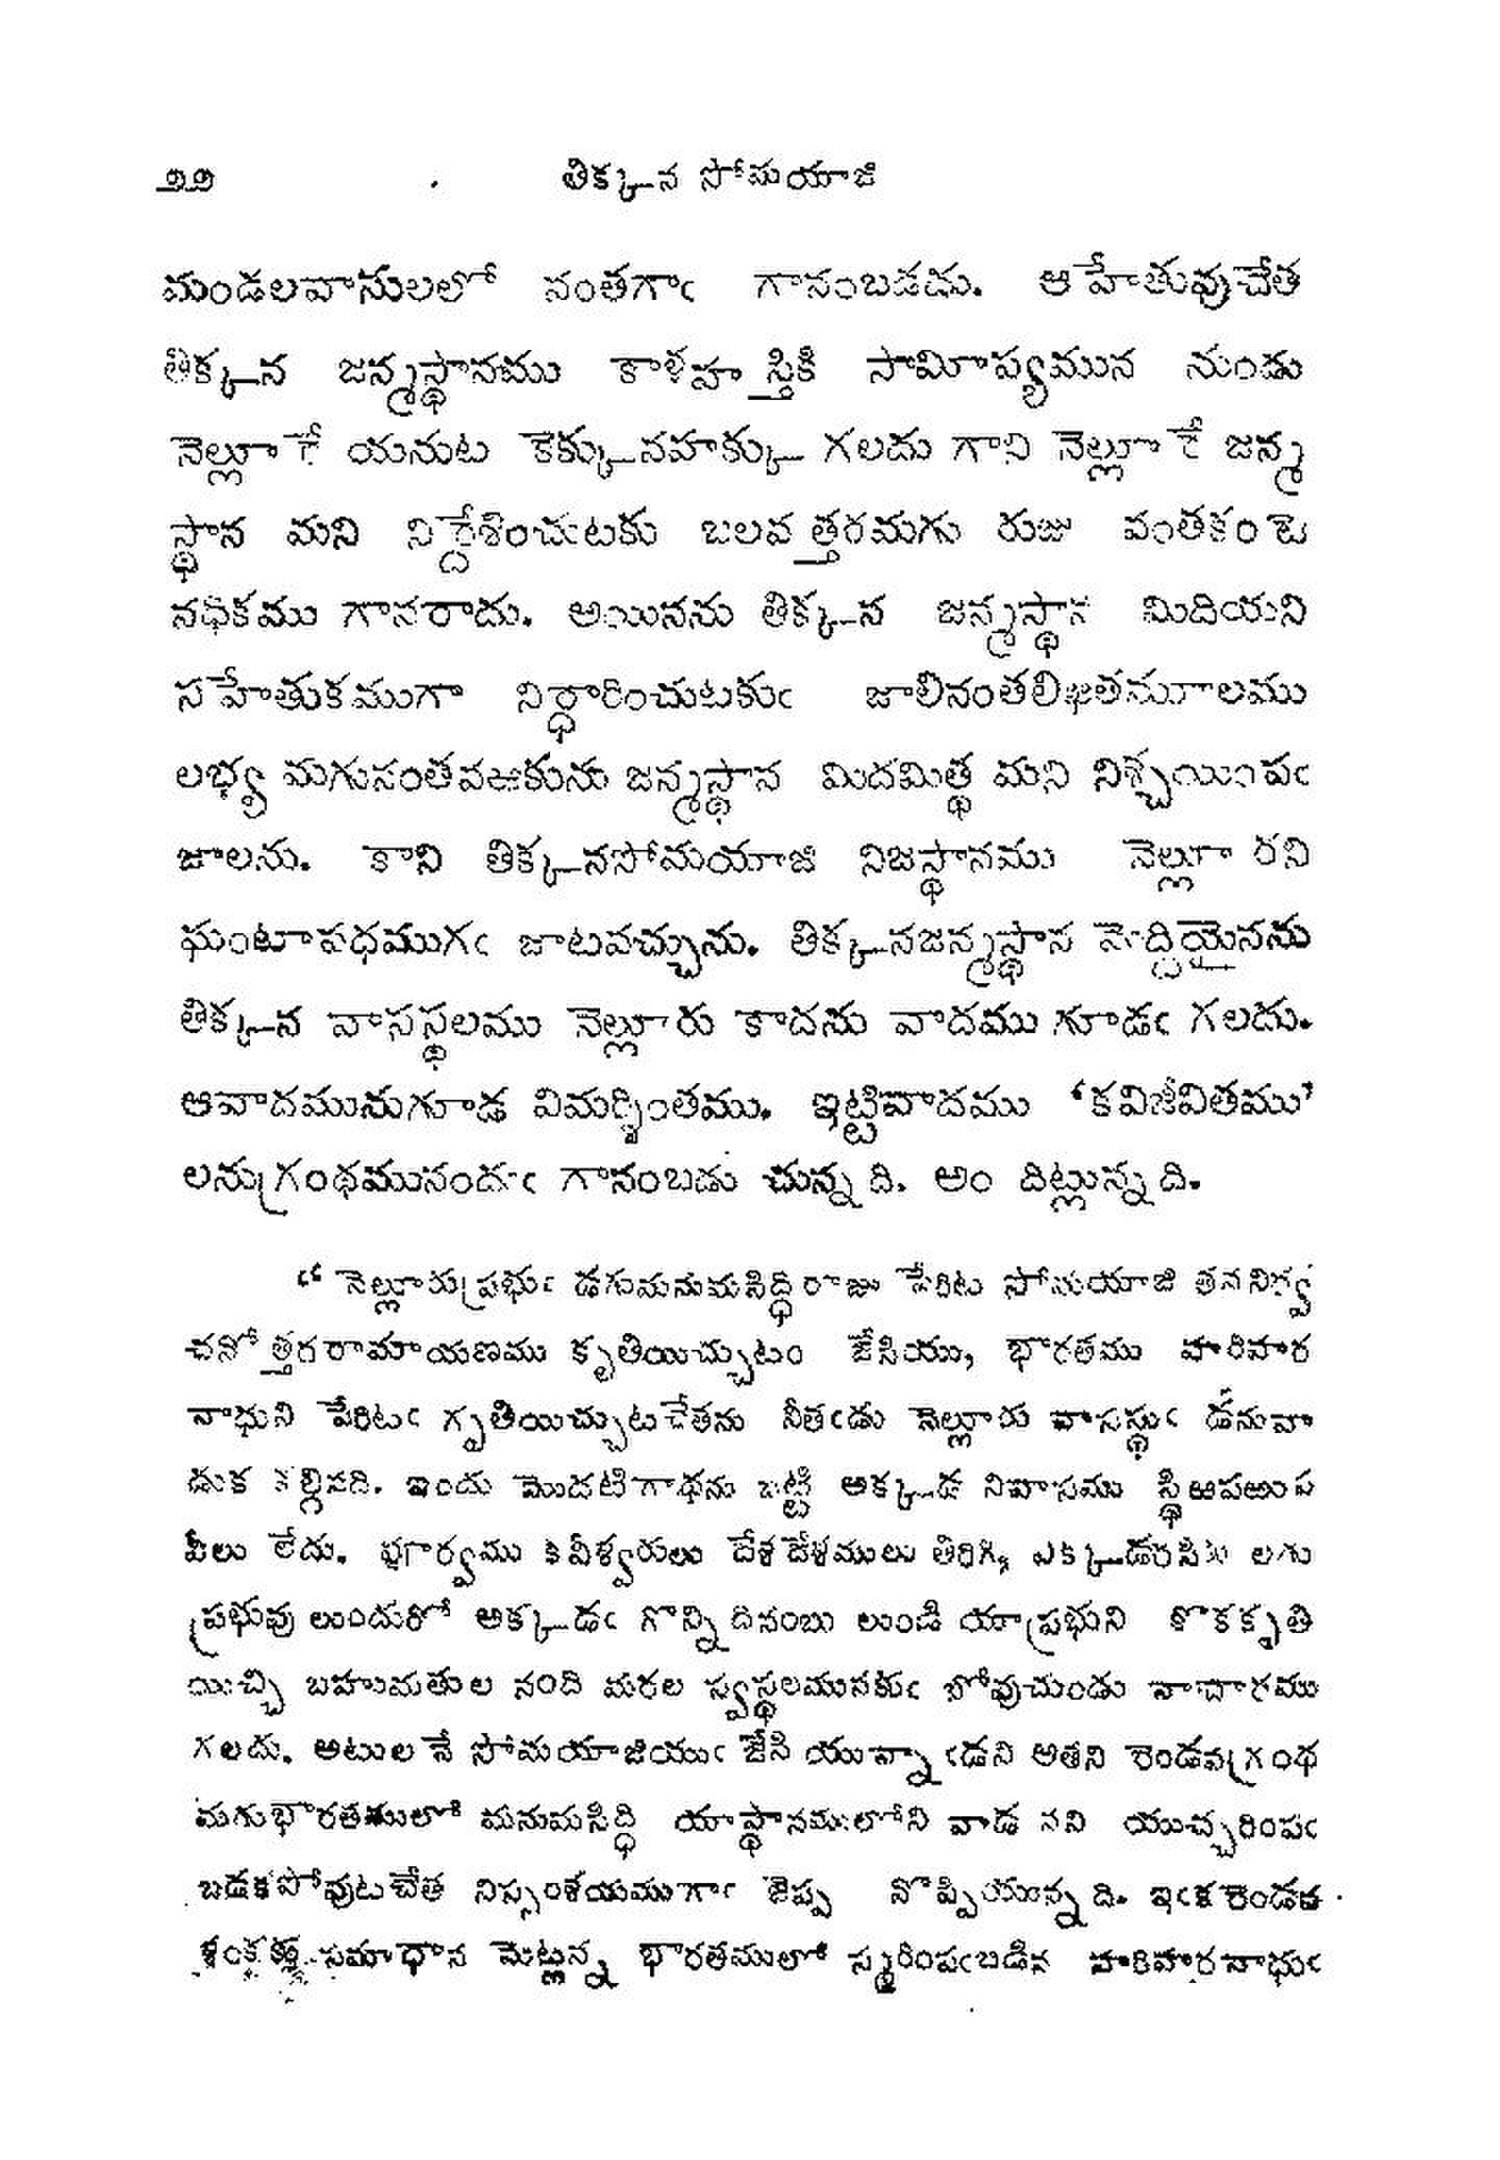మండలవాసులలో నంతగాఁ గానంబడదు. ఆహేతువుచేత తిక్కన జన్మస్థానము కాళహస్తికి సామీప్యమున నుండు నెల్లూరే యనుట కెక్కువహక్కు గలదు గాని నెల్లూరే జన్మస్థాన మని నిర్దేశించుటకు బలవత్తరమగు రుజు వంతకంటె నధికము గానరాదు. అయినను తిక్కన జన్మస్థాన మిదియని సహేతుకముగా నిర్ధారించుటకుఁ జాలినంతలిఖితమూలము లభ్య మగునంతవఱకును జన్మస్థాన మిదమిత్థ మని నిశ్చయింపఁ జూలను. కాని తిక్కనసోమయాజి నిజస్థానము నెల్లూరని ఘంటాపధముగఁ జాటవచ్చును. తిక్కనజన్మస్థాన మెద్దియైనను తిక్కన వాసస్థలము నెల్లూరు కాదను వాదము గూడఁ గలదు. ఆవాదమునుగూడ విమర్శింతము. ఇట్టివాదము 'కవిజీవితము' లనుగ్రంథమునందుఁ గానంబడు చున్నది. అం దిట్లున్నది.

"నెల్లూరుప్రభుఁ డగుమనుమసిద్ధిరాజు పేరిట సోమయాజి తననిర్వచనోత్తరరామాయణము కృతియిచ్చుటం జేసియు, భారతము హరిహరనాధుని పేరిటఁ గృతియిచ్చుటచేతను నీతఁడు. నెల్లూరు వాసస్థుఁ డనువాడుక కల్గినది. ఇందు మొదటిగాథను బట్టి అక్కడ నివాసము స్థిఱపఱుప వీలు లేదు. ఫూర్వము కవీశ్వరులు దేశదేశములు తిరిగి, ఎక్కడరసికు లగు ప్రభువు లుందురో అక్కడఁ గొన్నిదినంబు లుండి యాప్రభుని కొకకృతి యిచ్చి బహుమతుల నంది మరల స్వస్థలమునకుఁ బోవుచుండు నాచారము గలదు. అటులనే సోమయాజియుఁ జేసి యున్నాఁడని అతని రెండవగ్రంథమగుభారతములో మనుమసిద్ది యాస్థానములోని వాడ నని యుచ్చరింపఁ బడకపోవుటచేత నిస్సంశయముగాఁ జెప్ప నొప్పియున్నది. ఇఁకరెండవ శంకకు సమాధాన మెట్లన్న భారతములో స్మరింపఁబడిన హరిహరనాధుఁ